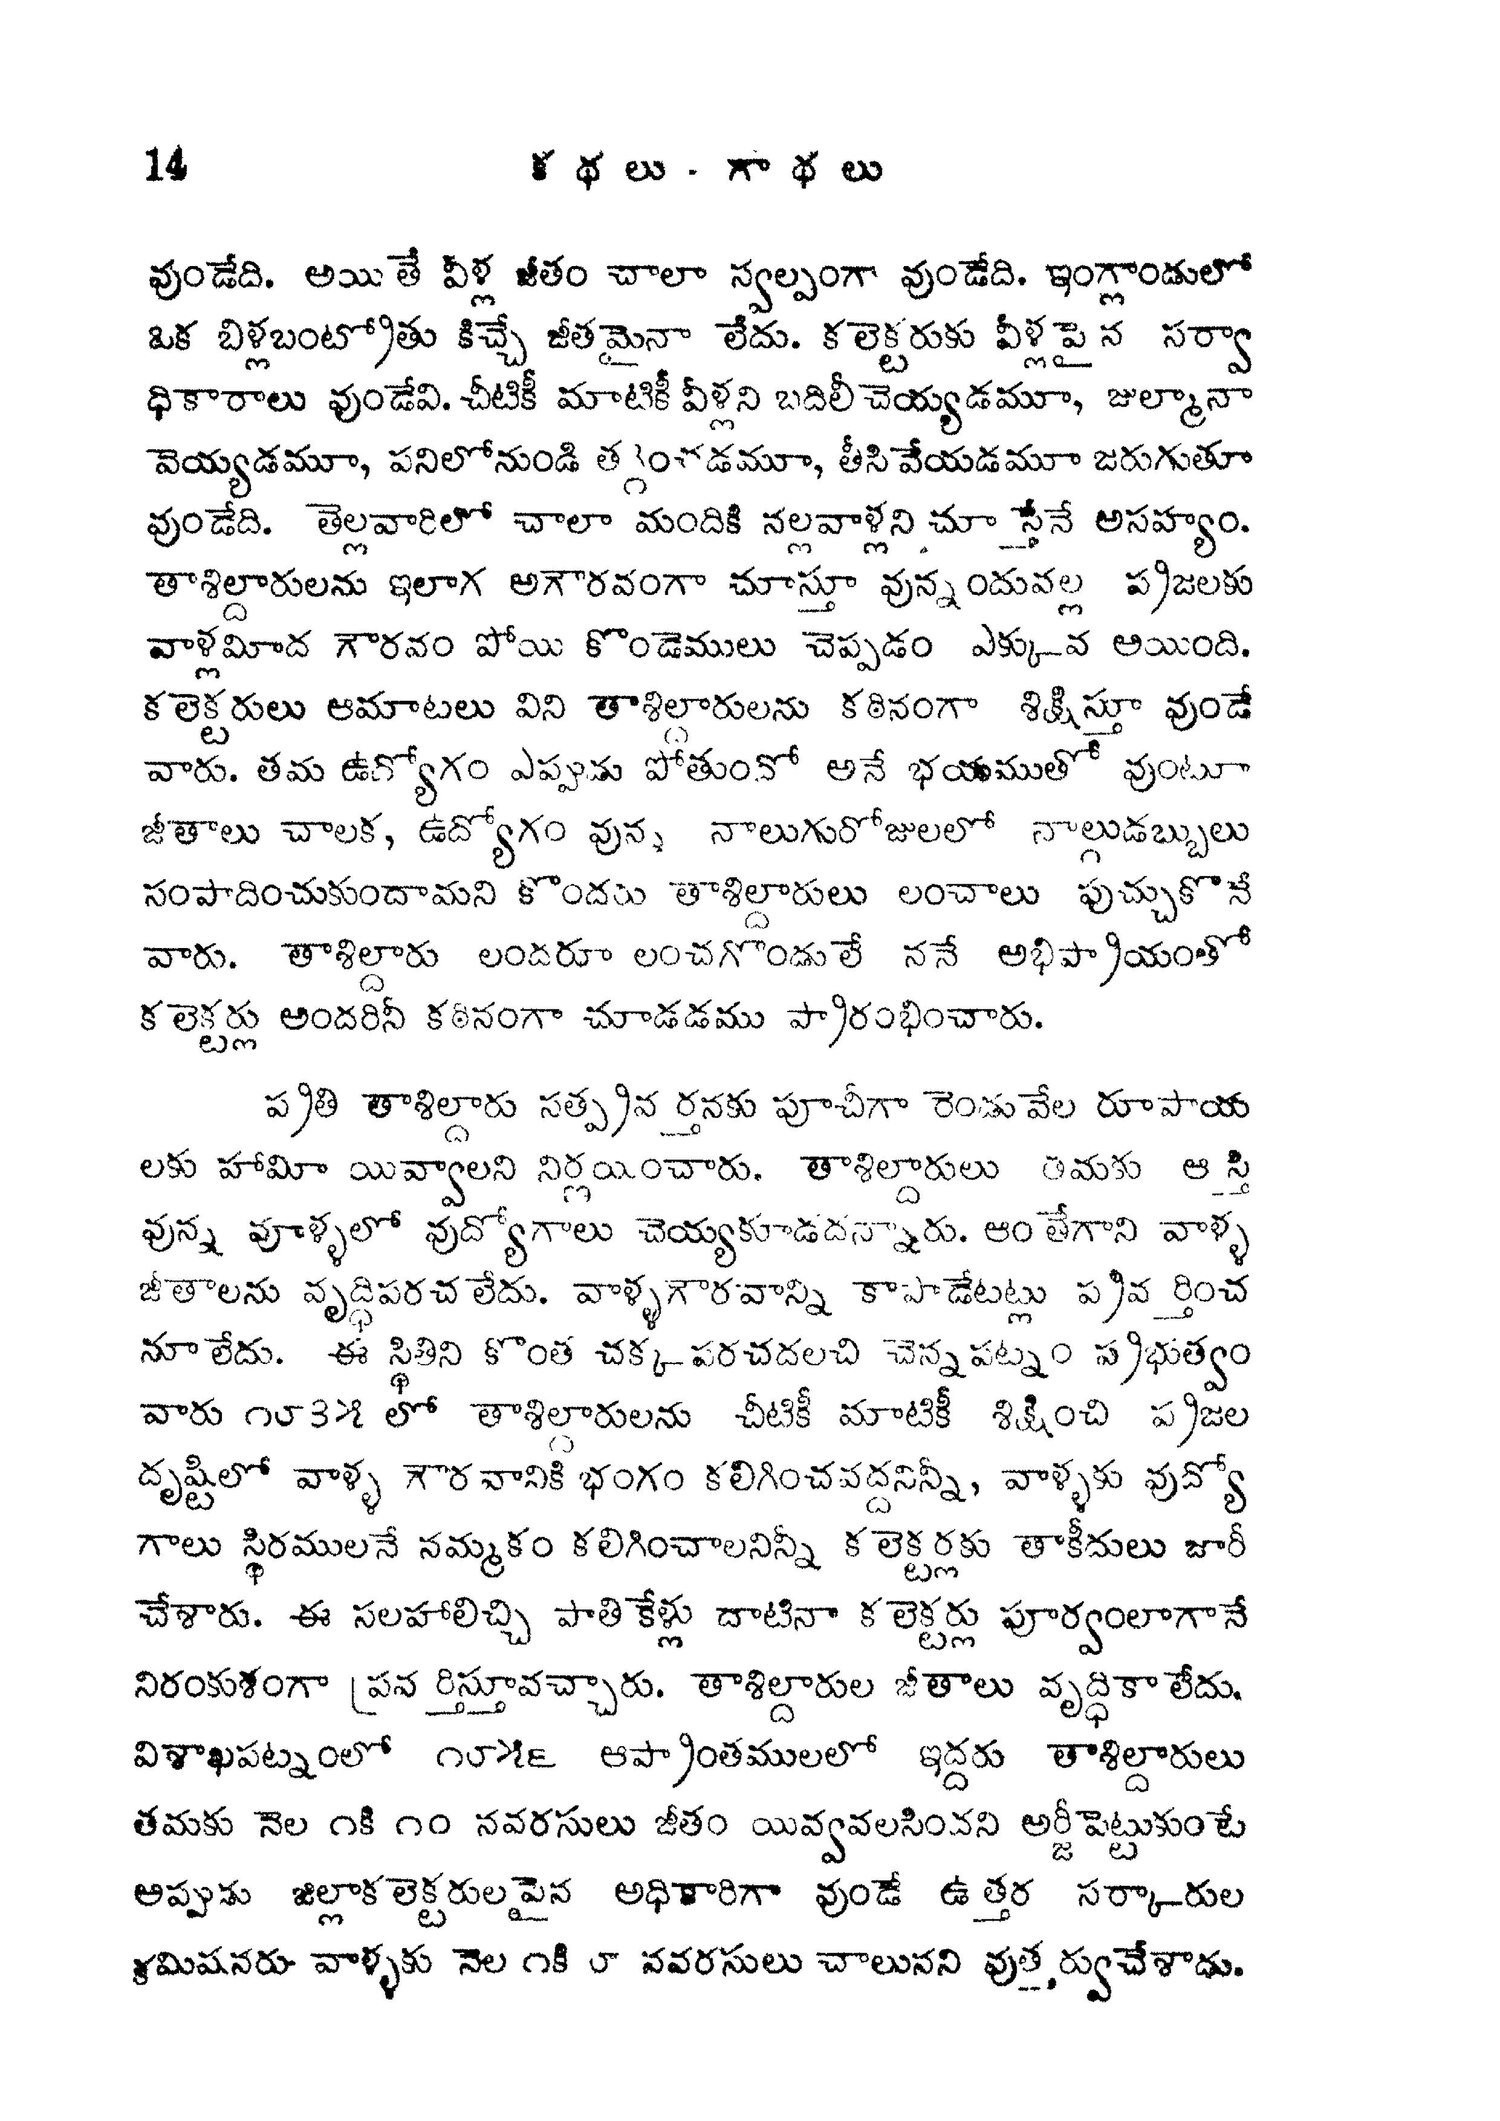వుండేది. అయితే వీళ్ల జీతం చాలా స్వల్పంగా వుండేది. ఇంగ్లాండులో ఒక బిళ్లబంట్రోతు కిచ్చే జీతమైనా లేదు. కలెక్టరుకు వీళ్లపైన సర్వాధికారాలు వుండెవి. చీటికీ మాటికీ వీళ్లని బదిలీచెయ్యడమూ, జుల్మానా వెయ్యడమూ, పనిలోనుండి తగ్గించడమూ, తీసివేయడమూ జరుగుతూ వుండేది. తెల్లవారిలో చాలా మందికి నల్లవాళ్లని చూస్తేనే అసహ్యం. తాశిల్ధారులను ఇలాగ అగౌరవంగా చూస్తూ వున్నందువల్ల ప్రజలకు వాళ్లమీద గౌరవం పోయి కొండెములు చెప్పడం ఎక్కువ అయింది. కలెక్టరులు ఆమాటలు విని తాశీల్దారులను కఠినంగా శిక్షిస్తూ వుండేవారు. తమ ఉద్యోగం ఎప్పుడు పోతుందో అనె భయముతో వుంటూ జీతాలు చాలక, ఉద్యోగం వున్న నాలుగురోజులలో నాల్గుడబ్బులు సంపాదించుకుందామని కొందరు తాశిల్దారులు లంచాలు పుచ్చుకోనేవారు. తాశిల్దారు లందరూ లంచగొండులే ననే అభిప్రాయంతో కలెక్టర్లు అందరినీ కఠినంగా చూడడము ప్రారంబించారు.

ప్రతి తాశిల్దారు సత్ప్రవర్తనకు పూచీగా రెండువేల రూపాయలకు హామీ యివ్వాలని నిర్ణయించారు. తాశిల్దారులు తమకు ఆస్తి వున్న వూళ్ళలో వుద్యోగాలు చెయ్యకూడదన్నారు. అంతేగాని వాళ్ళ జీతాలను వృద్ధిపరచలేదు. వాళ్లగౌరవాన్ని కాపాడేటట్లు ప్రవర్తించనూలేదు. ఈస్థితిని కొంత చక్కపరచదలచి చెన్నపట్నం ప్రభుత్వం వారు 1235 లో తాశిల్దారులను చీటికీ మాటికీ శిక్షించి ప్రజల దృష్టిలో వాళ్ళ గౌరవానికి భంగం కలిగించవద్దనిన్నీ,వాళ్ళకు వుద్యోగాలు స్థిరములనే నమ్మకం కలిగించాలనిన్నీ కలెక్టర్లకు తాకీదులు జారీ చేశారు. ఈ సలహలిచ్చి పాతికేళ్లు దాటినా కలెక్టర్లు పూర్వంలాగానే నిరంకుశంగా ప్రఫర్తిస్తూ వచ్చారు. తాశీల్దారుల జీతాలు వృద్ధికాలేదు. విశాఖపట్నంలో 1856 ఆ ప్రాంతములలో ఇద్దరు తాశిల్దరులు తమకు నెల 1కి 10 నవరసులు జీతం యివ్వవలసిందని అర్జీపెట్టుకుంటే అప్పుడు జిల్లాకలెక్టరులపైన అధికారిగా వుండే ఉత్తర సర్కారుల కమిషనరు వాళ్ళకు నెల 1కి 8 సవరసులు జీతం చాలునని వుత్తర్వుచేశారు.